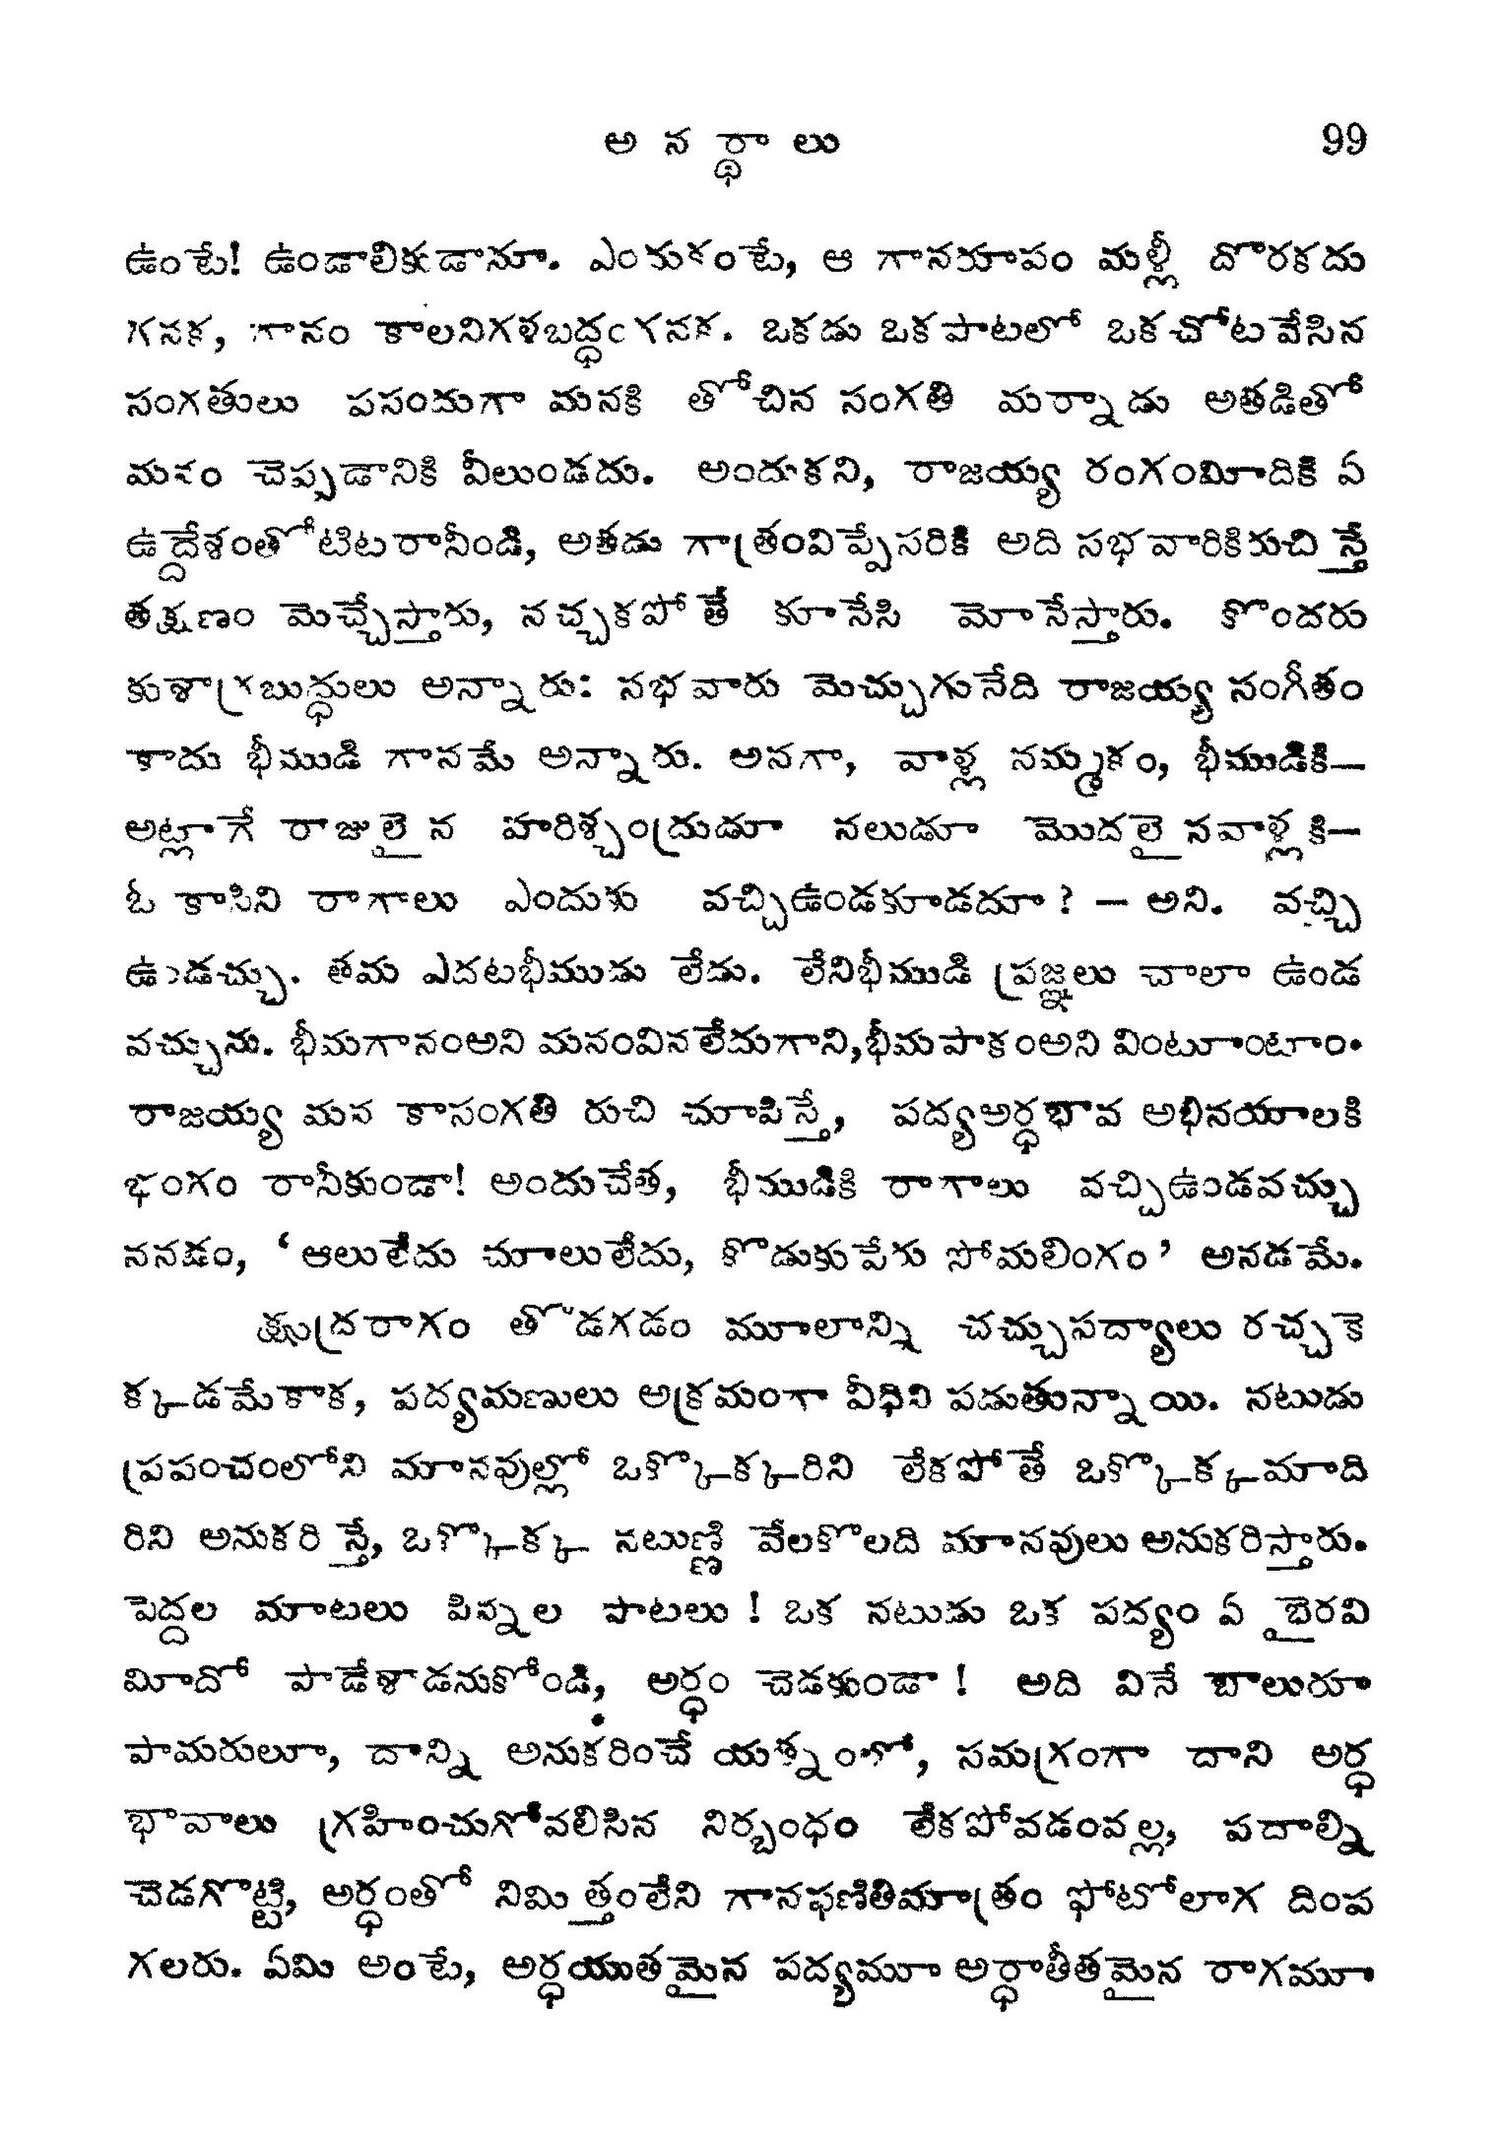ఉంటే! ఉండాలికుడానూ. ఎందుకంటే, ఆ గానరూపం మళ్లీ దొరకదు
గనక, గానం కాలనిగళబద్ధంగనక. ఒకడు ఒకపాటలో ఒకచోటవేసిన
సంగతులు పసందుగా మనకి తోచిన సంగతి మర్నాడు అతడితో
మనం చెప్పడానికి వీలుండదు. అందుకని, రాజయ్య రంగంమీదికి ఏ
ఉద్దేశంతోటిటరానీండి, అతడు గాత్రంవిప్పేసరికి అది సభవారికిరుచిస్తే
తక్షణం మెచ్చేస్తారు, నచ్చకపోతే కూసేసి మోసేస్తారు. కొందరు
కుశాగ్రబుద్ధులు అన్నారు: సభవారు మెచ్చుగునేది రాజయ్య సంగీతం
కాదు భీముడి గానమే అన్నారు. అనగా, వాళ్ల నమ్మకం, భీముడికి---
అట్లాగే రాజులైన హరిశ్చంద్రుడూ నలుడూ మొదలైనవాళ్లకి -
ఓ కాసిని రాగాలు ఎందుకు వచ్చిఉండకూడదూ? అని. వచ్చి
ఉండచ్చు. తమ ఎదటభీముడు లేడు. లేనిభీముడి ప్రజ్ఞలు చాలా ఉండ
వచ్చును. భీమగానంఅని మనంవినలేదుగాని, భీమపాకంఅని వింటూంటాం.
రాజయ్య మన కాసంగతి రుచి చూపిస్తే, పద్యఅర్ధభావ అభినయాలకి
భంగం రానీకుండా! అందుచేత, భీముడికి రాగాలు వచ్చిఉండవచ్చు
ననడం, 'ఆలులేదు చూలులేదు, కొడుకుపేరు సోమలింగం' అనడమే.

క్షుద్రరాగం తొడగడం మూలాన్ని చచ్చుపద్యాలు రచ్చకె
క్కడమేకాక, పద్యమణులు అక్రమంగా వీధిని పడుతున్నాయి. నటుడు
ప్రపంచంలోని మానవుల్లో ఒక్కొక్కరిని లేకపోతే ఒక్కొక్కమాది
రిని అనుకరిస్తే, ఒక్కొక్క నటుణ్ణి వేలకొలది మానవులు అనుకరిస్తారు.
పెద్దల మాటలు పిన్నల పాటలు! ఒక నటుడు ఒక పద్యం ఏ భైరవి
మీదో పాడేశాడనుకోండి, అర్ధం చెడకుండా ! అది వినే బాలురూ
పామరులూ, దాన్ని అనుకరించే యత్నంలో, సమగ్రంగా దాని అర్ధ
భావాలు గ్రహించుగోవలిసిన నిర్బంధం లేకపోవడంవల్ల, పదాల్ని
చెడగొట్టి, అర్ధంతో నిమిత్తంలేని గానఫణితిమాత్రం ఫోటోలాగ దింప
గలరు. ఏమి అంటే, అర్ధయుతమైన పద్యమూ అర్ధాతీతమైన రాగమూ